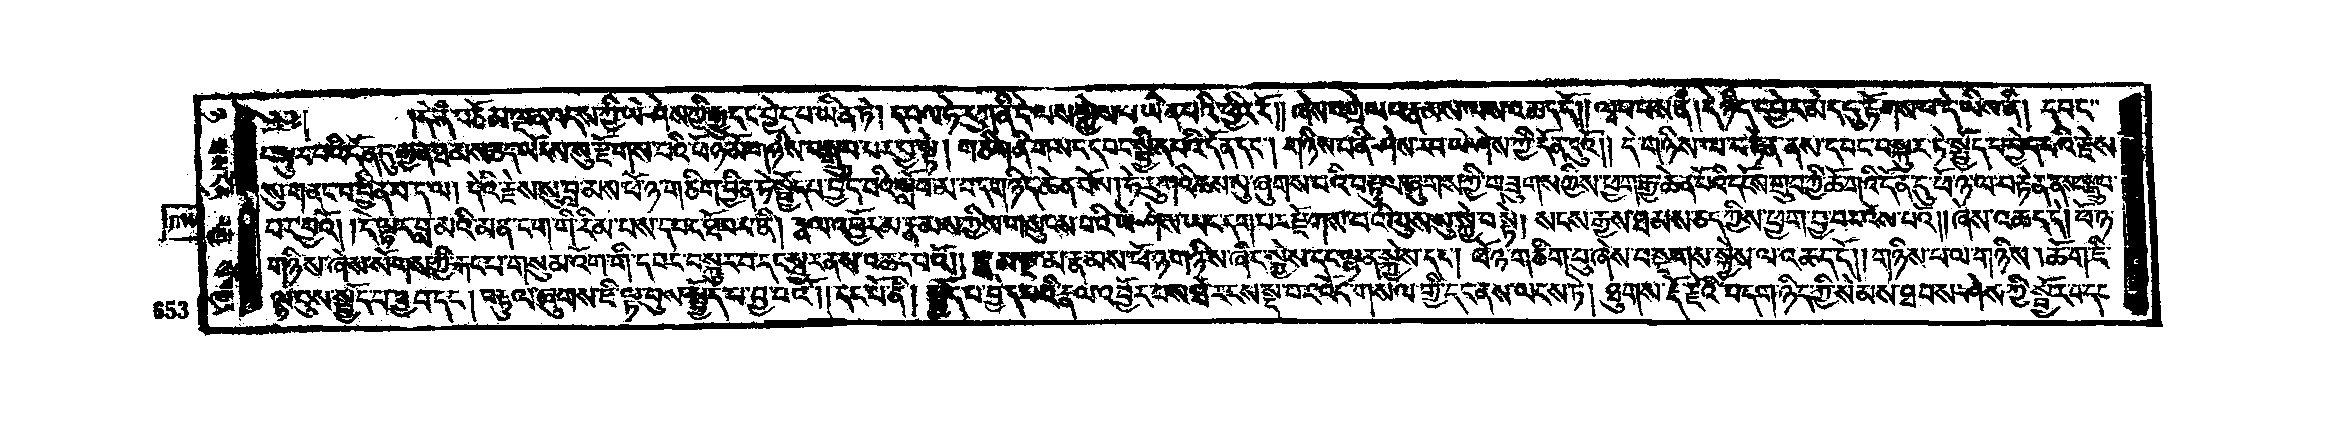༄༅། །དེ་ནི་བཅོམ་ལྡན་འདས་ཀྱི་ཡེ་ཤེས་ཀྱི་རྒྱུ་དང་བྱེད་པ་ཡིན་ཏེ། དཔལ་ཧེ་རུ་ཀ་ནི་དེ་ལས་སྐྱེས་པ་ཡིན་པའི་ཕྱིར་རོ། །ཞེས་འགྲེལ་པ་རྣམས་ལས་འཆད་དོ། །ལྭ་བ་པས་ནི། དེ་ཉིད་དབྱེར་མེད་དུ་རྟོགས་པ་དེ་ཡིས་ནི། དབང་
བསྐུར་བའི་དོན་དུ་རྒྱན་ཐམས་ཅད་ཡོངས་སུ་རྫོགས་པའི་ཕོ་ཉ་མོ་གཉིས་བསྒྲུབ་པར་བྱ་སྟེ། གཅིག་ནི་གསང་དབང་སྦྱིན་པའི་དོན་དང་། གཉིས་པ་ནི་ཤེས་རབ་ཡེ་ཤེས་ཀྱི་དོན་དུའོ། །དེ་གཉིས་ལ་བརྟེན་ནས་དབང་བསྐུར་ཏེ་སྤྱོད་པ་བྱེད་པའི་རྗེས་
སུ་གནང་བ་བྱིན་པ་དེ་ལ། དེའི་རྗེས་སུ་བླ་མས་ཕོ་ཉ་གཅིག་བྱིན་ཏེ་སྤྱོད་པ་བྱེད་པའི་སློབ་མ་བདག་ཉིད་ཆེན་པོས། ཧེ་རུ་ཀའི་ཆས་སུ་ཞུགས་པའི་བརྟུལ་ཞུགས་ཀྱི་གཟུགས་ཀྱིས་ཕྱག་རྒྱ་ཆེན་པོའི་དངོས་གྲུབ་ཀྱི་ཆོ་གའི་དོན་དུ་ཕོ་ཉ་ལ་བརྟེན་ནས་བསྒྲུབ་
པར་བྱའོ། །དེ་ལྟར་བླ་མའི་མན་ངག་གི་རིམ་པས་དབང་ཐོབ་པ་ནི། རྣལ་འབྱོར་མ་རྣམས་ཀྱིས་གསུངས་པའི་ཡེ་ཤེས་ཡང་དག་པར་རྫོགས་པའི་ལུས་སུ་སྐྱེ་བ་སྟེ། སངས་རྒྱས་ཐམས་ཅད་ཀྱིས་ཕྱག་བྱ་བར་འོས་པའོ། །ཞེས་འཆད་དེ། ཕོ་ཉ་
གཉིས་ཞེས་སོགས་ཀྱི་རྐང་པ་གསུམ་འོག་གི་དབང་བསྐུར་བ་དང་སྦྱར་ནས་འཆད་པའོ། །བླ་མ་སྔ་མ་རྣམས་ཕོ་ཉ་གཉིས་ཞིང་སྐྱེས་དང་ལྷན་སྐྱེས་དང་། ཕོ་ཉ་གཅིག་པུ་ཞེས་པ་སྔགས་སྐྱེས་ལ་འཆད་དོ། །གཉིས་པ་ལ་གཉིས། ཆོ་ག་ཇི་
ལྟ་བུས་སྤྱོད་པ་བྱ་བ་དང་། བརྟུལ་ཞུགས་ཇི་ལྟ་བུས་སྤྱོད་པ་བྱ་བའོ། །དང་པོ་ནི། སྤྱོད་པ་བྱེད་པའི་རྣལ་འབྱོར་པས་ཐོ་རངས་སྔ་བར་འོད་གསལ་གྱི་དང་ནས་ལངས་ཏེ། ཐུགས་རྡོ་རྗེའི་བདག་ཉིད་ཀྱི་སེམས་ཐབས་ཤེས་ཀྱི་སྦྱོར་བ་དང་